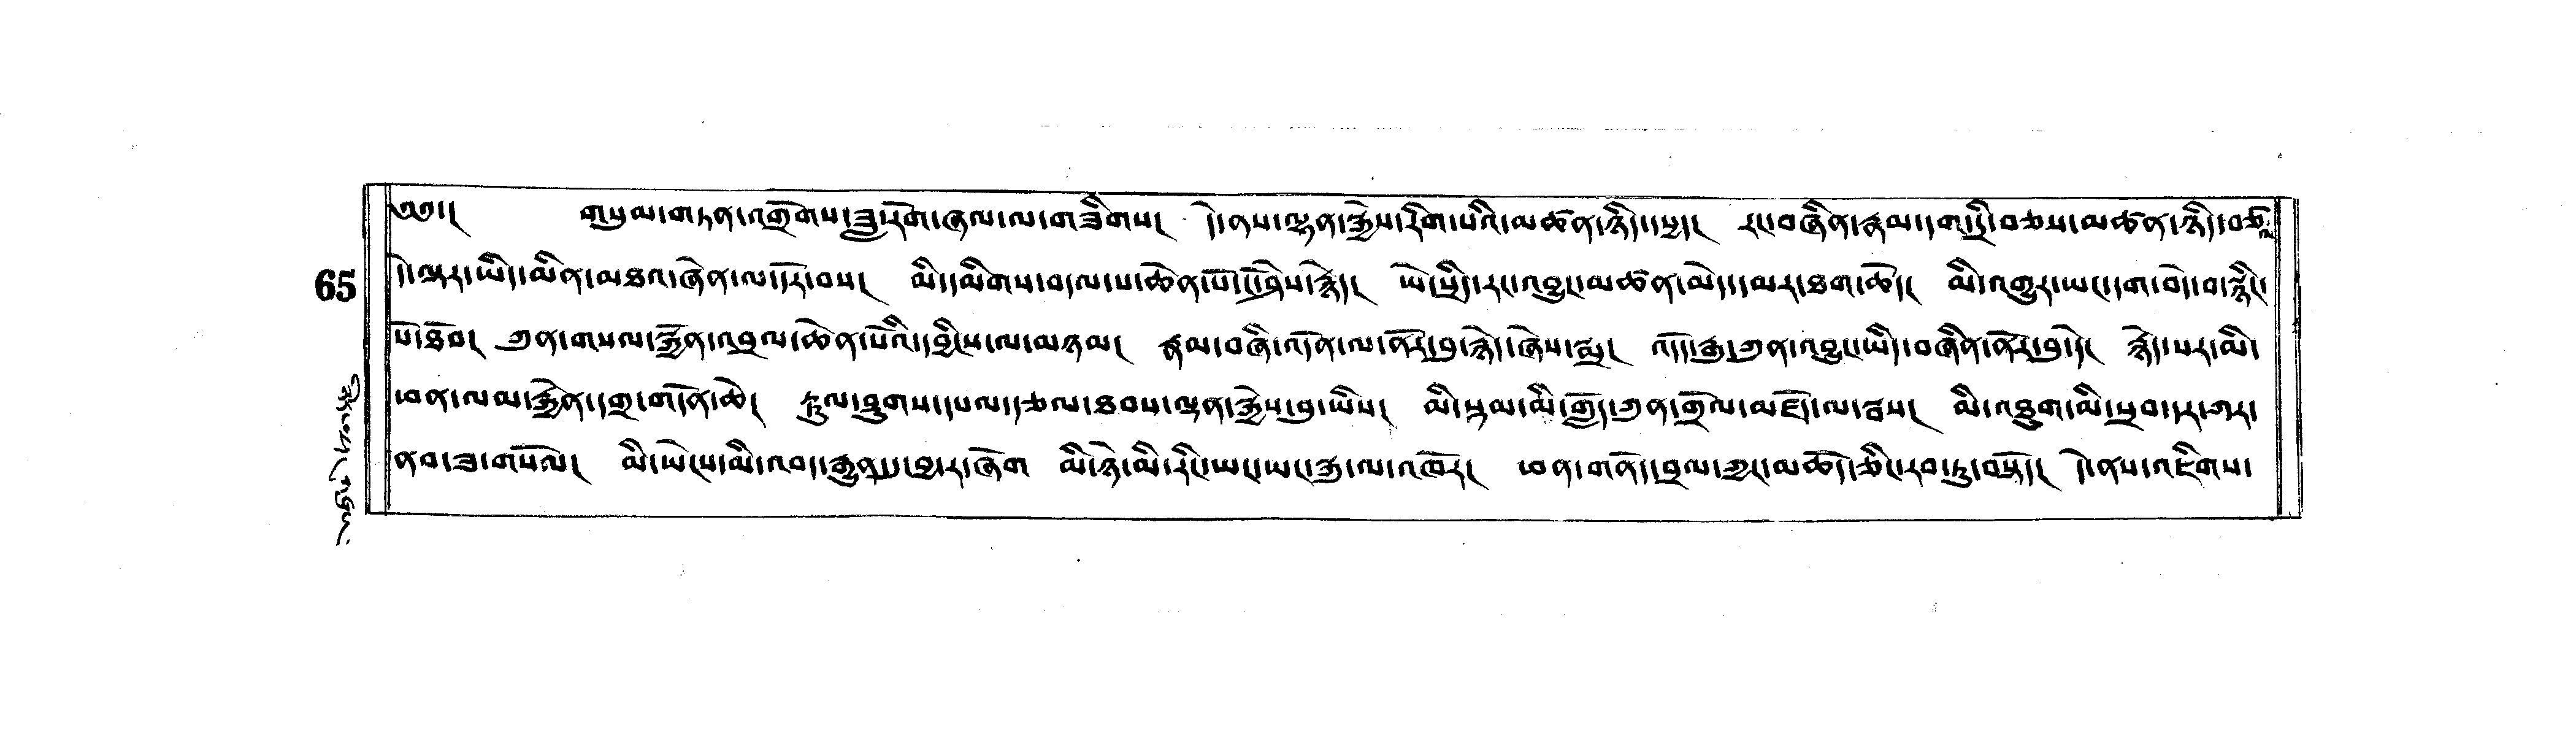གསུམ་གཏན་གྲོགས་ཟླ་རོགས་ཞལ་ལ་གཟིགས། དེ་ནས་ལྷན་སྐྱེས་རིག་པའི་མཚན་ཉིད་དཔྱད། རང་བཞིན་རྣམ་དག་དྲི་བཅས་མཚན་ཉིད་བཙལ། 
དེ་ལྟར་ཡིན་མིན་མཐའ་གཞན་ལ་དོར་བས། མི་དམིགས་བདལ་པ་ཆེན་པོ་ངེས་ཤེས་རྙེད། ཡེ་སྲིད་རང་འབྱུང་ཚད་མེད་དམར་ཐག་ཆོད། མི་འགྱུར་ཡང་དག་བདེ་བ་སྙིང་
པོ་ཐོབ། ཀུན་གསལ་སྐྱོན་བྲལ་ཆེན་པོའི་དབྱིངས་ལ་མཉམ། རྣམ་བཞི་འདོན་ལ་ནོར་བུ་རྙེད་ཞེས་སྨྲ། འདོད་རྒུ་ཀུན་འབྱུང་ཡིད་བཞིན་ནོར་བུ་དེ། རྙེད་པར་མི་
ཕན་ལམ་རྐྱེན་དགྲ་གདོན་ཆེ། རྟུལ་ཤུགས་དཔའ་རྩལ་ཐབས་ལྡན་སྐྱེས་བུ་ཡིས། མི་སྡམ་མི་གློད་ཀུན་གྲོལ་མཛོད་ལ་སྦས། མི་མཐུན་མི་བསྲབ་དར་དཀར་
ན་བཟའ་གསོལ། མི་ཡེངས་མི་འབད་རྒྱུན་དུ་བྱ་ར་ཞོག། མི་ཉེ་མི་རིང་ཡང་ཡང་སྐུ་ལ་འཁོར། ཕན་གནོད་བྲལ་ཀྱང་མཆོད་ཅིང་རབ་ཏུ་བསྟོད། དེ་ནས་འཇིགས་